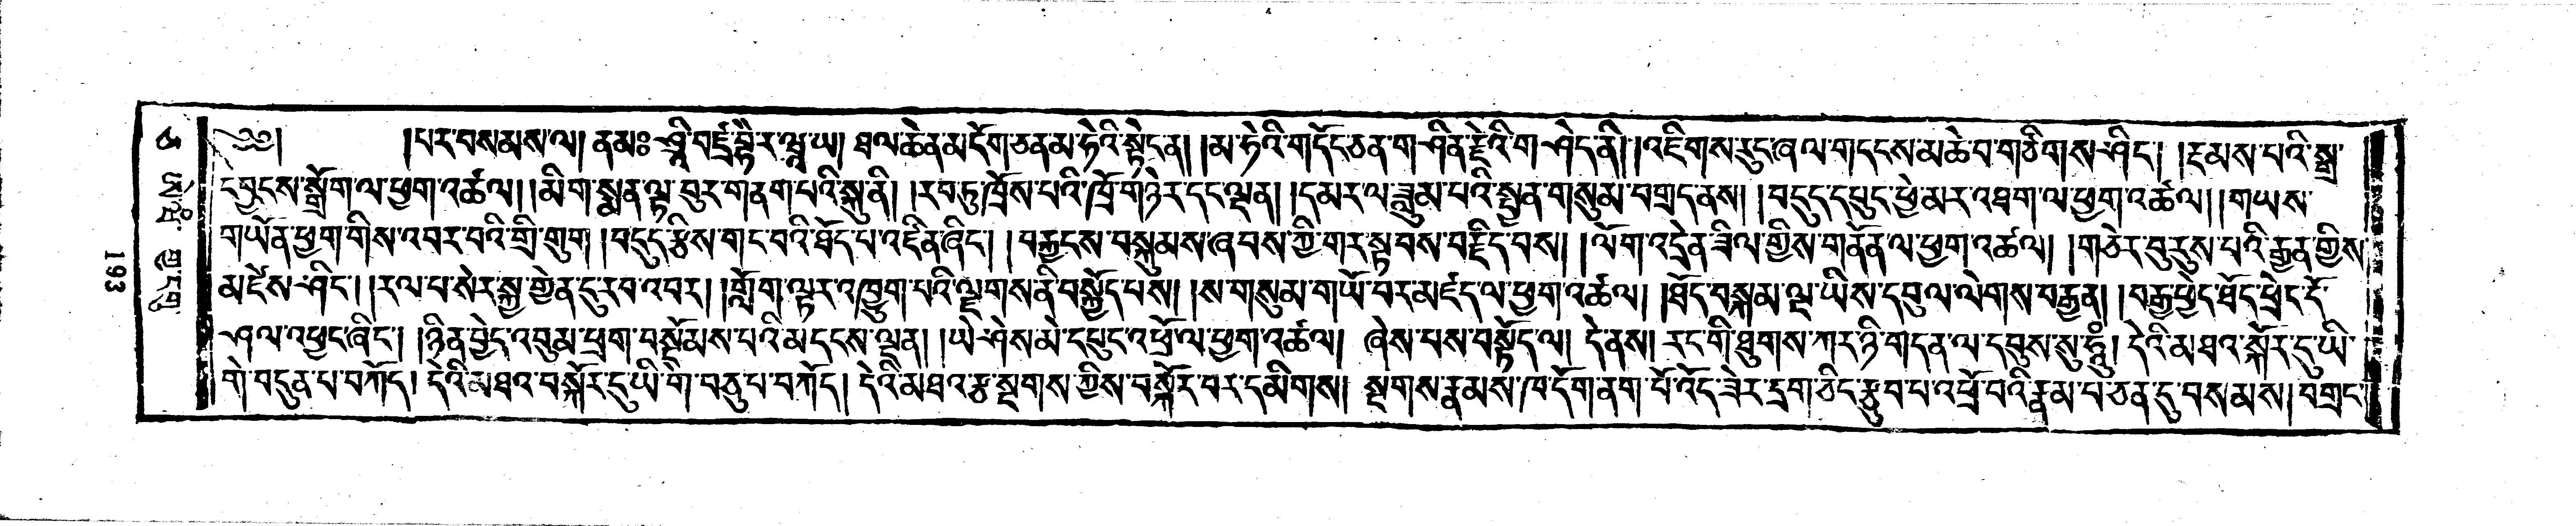༄༅། །པར་བསམས་པ། ན་མཿ ཤྲཱི་བཛྲ་བྷཻ་ར་ཝཱ་ཡ། ཐལ་ཆེན་མདོག་ཅན་མ་ཧེའི་སྟེང་ན། །མ་ཧེའི་གདོང་ཅན་གཤིན་རྗེའི་གཤེད་ནི། །འཇིགས་རུང་ཞལ་གདངས་མཆེ་བ་གཙིགས་ཤིང་། །རྔམས་པའི་སྒྲ་
དབྱངས་སྒྲོག་ལ་ཕྱག་འཚལ། །མིག་སྨན་ལྟ་བུར་གནག་པའི་སྐུ་ནི། །རབ་ཏུ་ཁྲོས་པའི་ཁྲོ་གཉེར་དང་ལྡན། །དམར་ལ་ཟླུམ་པའི་སྤྱན་གསུམ་བགྲད་ནས། །བདུད་དཔུང་ཕྱེ་མར་འཐག་ལ་ཕྱག་འཚལ། །གཡས་
གཡོན་ཕྱོག་གིས་འབར་བའི་གྲི་གུག །བདུད་རྩིས་གང་བའི་ཐོད་པ་འཛིན་ཞིང་། །བརྐྱངས་བསྐུམས་ཞབས་ཀྱི་གར་སྟབས་བརྗིད་པས། །ལོག་འདྲེན་ཟིལ་གྱིས་གནོན་ལ་ཕྱག་འཚལ། །གཅེར་བུ་རུས་པའི་རྒྱན་གྱིས་
མཛེས་ཤིང་། །རལ་པ་སེར་སྐྱ་གྱེན་དུ་རབ་འབར། །གློག་ལྟར་འཁྱུག་པའི་ལྗགས་ནི་བསྐྱོད་པས། །ས་གསུམ་གཡོ་བར་མཛད་ལ་ཕྱག་འཚལ། །ཐོད་བསྐམ་ལྔ་ཡིས་དབུ་ལ་ལེགས་བརྒྱན། །བརྒྱ་ཕྱེད་ཐོད་ཕྲེང་དོ་
ཤལ་འཕྱང་ཞིང་། །ཉིན་བྱེད་འབུམ་ཕྲག་བསྡོམས་པའི་མདངས་ལྡན། །ཡེ་ཤེས་མེ་དཔུང་འཕྲོ་ལ་ཕྱག་འཚལ། ཞེས་པས་བསྟོད་ལ། དེ་ནས། རང་གི་ཐུགས་ཀར་ཉི་གདན་ལ་དབུས་སུ་ཧཱུཾ། དེའི་མཐའ་སྐོར་དུ་ཡི་
གེ་བདུན་པ་བཀོད། དེའི་མཐའ་བསྐོར་དུ་ཡི་གེ་བཅུ་པ་བཀོད། དེའི་མཐའ་རྩ་སྔགས་ཀྱིས་བསྐོར་བར་དམིགས། སྔགས་རྣམས་ཁ་དོག་ནག་པོ་འོད་ཟེར་དྲག་ཅིང་རྩུབ་པ་འཕྲོ་བའི་རྣམ་པ་ཅན་དུ་བསམས། བགྲང་